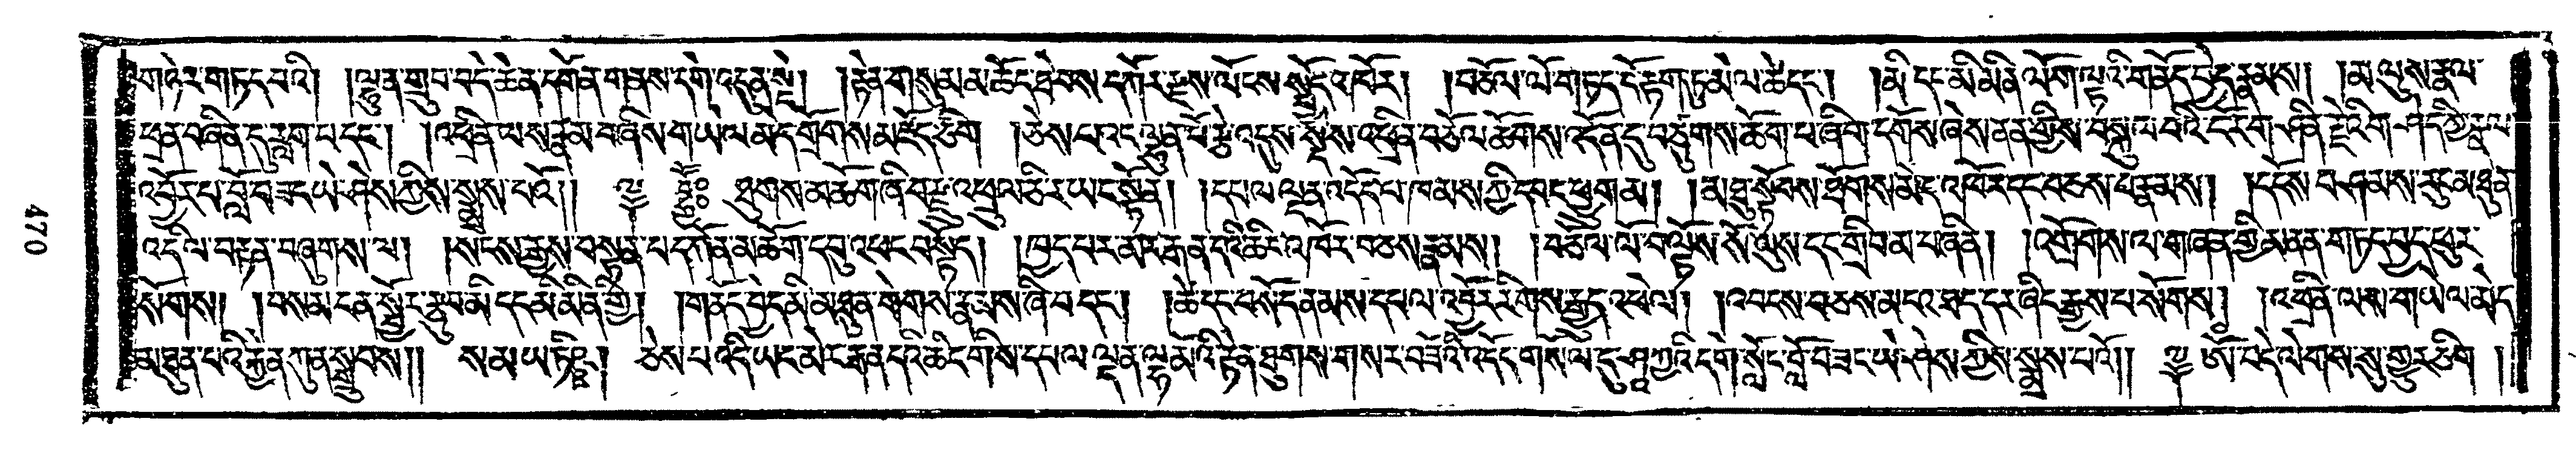གཉེར་གཏད་པའི། །ལྷུན་གྲུབ་བདེ་ཆེན་དགོན་གནས་དགེ་འདུན་སྡེ། །རྟེན་གསུམ་མཆོད་ཐེབས་དཀོར་རྫས་ལོངས་སྤྱོད་འཁོར། །བཅོལ་ལོ་གཏད་དོ་རྟག་ཏུ་མེལ་ཚེ་དང་། །མི་དང་མི་མིན་ལོག་ལྷའི་གནོད་བྱེད་རྣམས། །མ་ལུས་རྣལ་
ཕྲན་བཞིན་དུ་རླག་པ་དང་། །འཕྲིན་ལས་རྣམ་བཞིས་གཡེལ་མེད་གྲོགས་མཛོད་ཅིག །ཅེས་པའང་ལྷུན་པོ་རྩེ་འདུས་སྡེས་འཕྲིན་བཅོལ་ཆོགས་འདོན་དུ་བཙུགས་ཆོག་པ་ཞིག་དགོས་ཞེས་ནན་གྱིས་བསྐུལ་བའི་ངོར་གཤིན་རྗེའི་གཤེད་ཀྱི་རྣལ་
འབྱོར་པ་བློ་བཟང་ཡེ་ཤེས་ཀྱིས་སྨྲས་པའོ།། ༈ བྷྱོཿ ཐུགས་མཆོག་ཞིབ་རྫུ་འཕྲུལ་ཅི་ར་ཡང་སྟོན། །དཔལ་ལྡན་འདོད་པ་ཁམས་ཀྱི་དབང་ཕྱུག་མ། །མཐུ་སྟོབས་ཐོགས་མེད་འཁོར་དང་བཅས་པ་རྣམས། །དངོས་བཤམས་རུང་མཐུན་
འདི་ལ་བརྟན་བཞུགས་ལ། །སངས་རྒྱས་བསྟན་པ་དཀོན་མཆོག་དབུ་འཕང་བསྟོད། །ཁྱད་པར་མར་རྒནྡའི་ཆིང་འཁོར་བཅས་རྣམས། །བཅོལ་ལོ་བལྟོས་སོ་ལུས་དང་གྲིབ་མ་བཞིན། །འགྲོགས་ལ་གཞན་གྱི་མནན་གཏང་བྱད་ཕུར་
སོགས། །བསམ་ངན་སྦྱོར་རྩུབ་མི་དང་མི་མིན་གྱི། །གནོད་བྱེད་མི་མཐུན་གེགས་རྣམས་ཞི་བ་དང་། །ཚེ་དང་བསོད་རྣམས་དཔལ་འབྱོར་རིགས་རྒྱུད་འཕེལ། །འབངས་བཅས་མངའ་ཐད་དར་ཞིང་རྒྱས་པ་སོགས། །འཕྲིན་ལས་གཡེལ་མེད་
མཐུན་པའི་རྐྱེན་ཀུན་སྒྲུབས།། ས་མ་ཡ་ཏིཥཊཿཨ། ཅེས་པ་འདི་ཡང་རྒན་དའི་ཆིང་གིས་དཔལ་ལྡན་ལྷ་མོའི་རྟེན་ཐུགས་གསར་བཟོའི་འདོད་གསོལ་དུ་ཤའྐྱའི་དགེ་སློང་བློ་བཟང་ཡེ་ཤེས་ཀྱིས་སྨྲས་པའོ།། ༈ ཨོཾ་བདེ་ལེགས་སུ་གྱུར་ཅིག །